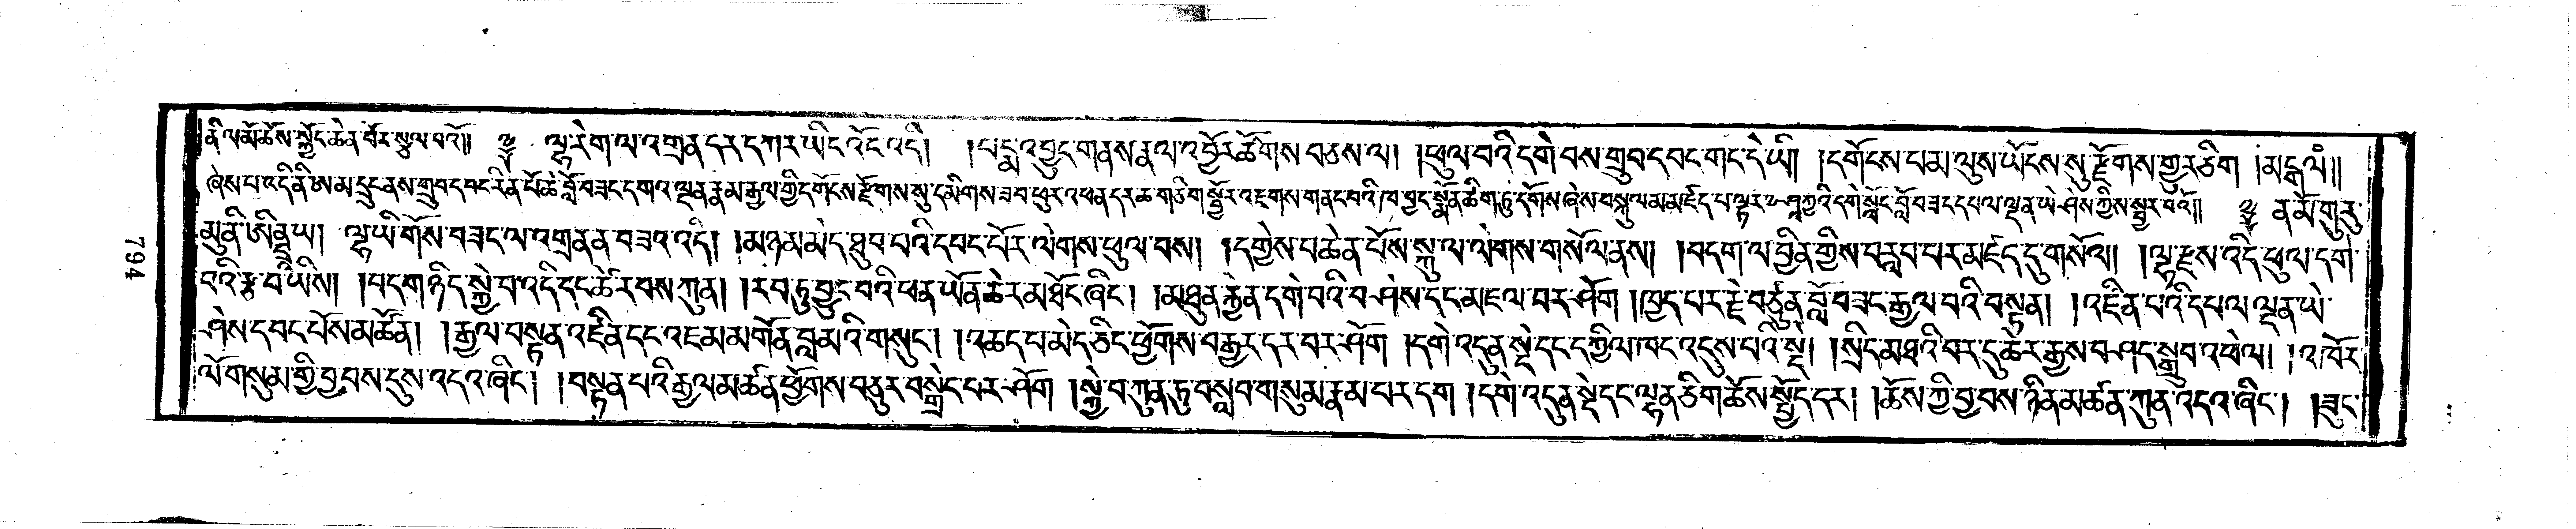ནི་ལ་མོ་ཆོས་སྐྱོང་ཆེན་བོར་སྩལ་བའོ།། ༈ ལྷ་རེག་ལ་འགྲན་དར་དཀར་ཡིད་འོང་འདི། །པདམ་འབྱུང་གནས་རྣལ་འབྱོར་ཚོགས་བཅས་ལ། །ཕུལ་བའི་དགེ་བས་གྲུབ་དབང་གང་དེ་ཡི། །དགོངས་པ་མ་ལུས་ཡོངས་སུ་རྫོགས་གྱུར་ཅིག །མངྒ་ལཾ།།
ཞེས་པ་འདི་ནི་ཨ་མ་དྲུང་ནས་གྲུབ་དབང་རིན་པོ་ཆེ་བློ་བཟང་དགའ་ལྡན་རྣམ་རྒྱལ་གྱི་དགོངས་རྫོགས་སུ་དམིགས་ཟབ་ཕུར་འཕན་དར་ཆ་གཅིག་སྦྱོར་འཇགས་གནང་བའི་ཁ་བྱང་སྨོན་ཚིག་ཏུ་དོགས་ཞེས་བསྐུལ་མ་མཛད་པ་ལྟར་༧་ཤཱཀྱའི་དགེ་སློང་བློ་བཟང་དཔལ་ལྡན་ཡེ་ཤེས་ཀྱིས་སྦྱར་བའོ།། ༈ ན་མོ་གུ་རུ་
མུ་ནི་ཨིནྡྲ་ཡ། ལྷ་ཡི་གོས་བཟང་ལ་འགྲན་ན་བཟའ་འདི། །མཉམ་མེད་ཐུབ་པའི་དབང་པོར་ལེགས་ཕུལ་བས། །དགྱེས་པ་ཆེན་པོས་སྐུ་ལ་ལེགས་གསོལ་ནས། །བདག་ལ་བྱིན་གྱིས་བརླབ་པར་མཛད་དུ་གསོལ། །ལྷ་རྫས་འདི་ཕུལ་དགེ་
བའི་རྩ་བ་ཡིས། །བདག་ཉིད་སྐྱེ་བ་འདི་དང་ཚེ་རབས་ཀུན། །རབ་ཏུ་བྱུང་བའི་ཕན་ཡོན་ཆེར་མཐོང་ཞིང་། །མཐུན་རྐྱེན་དགེ་བའི་བཤེས་དང་མཇལ་བར་ཤོག །ཁྱད་པར་རྗེ་བཙུན་བློ་བཟང་རྒྱལ་བའི་བསྟན། །འཛིན་པའི་དཔལ་ལྡན་ཡེ་
ཤེས་དབང་པོས་མཚོན། །རྒྱལ་བསྟན་འཛིན་དང་འཇམ་མགོན་བླ་མའི་གསུང་། །འཆད་པ་མེད་ཅིང་ཕྱོགས་བརྒྱར་དར་བར་ཤོག །དགེ་འདུན་སྡེ་དང་དཀྱིལ་ཁང་འདུས་པའི་སྡེ། །སྲིད་མཐའི་བར་དུ་ཆེར་རྒྱས་བཤད་སྒྲུབ་འཕེལ། །འཁོར་
ལོ་གསུམ་གྱི་བྱ་བས་དུས་འདའ་ཞིང་། །བསྟན་པའི་རྒྱལ་མཚན་ཕྱོགས་བཅུར་བསྒྲེང་བར་ཤོག །སྐྱེ་བ་ཀུན་ཏུ་བསླབ་གསུམ་རྣམ་པར་དག །དགེ་འདུན་སྡེ་དང་ལྷན་ཅིག་སྤྱོད་དར། །ཆོས་ཀྱི་བྱ་བས་ཉིན་མཚན་ཀུན་འདའ་ཞིང་། །ཟུང་